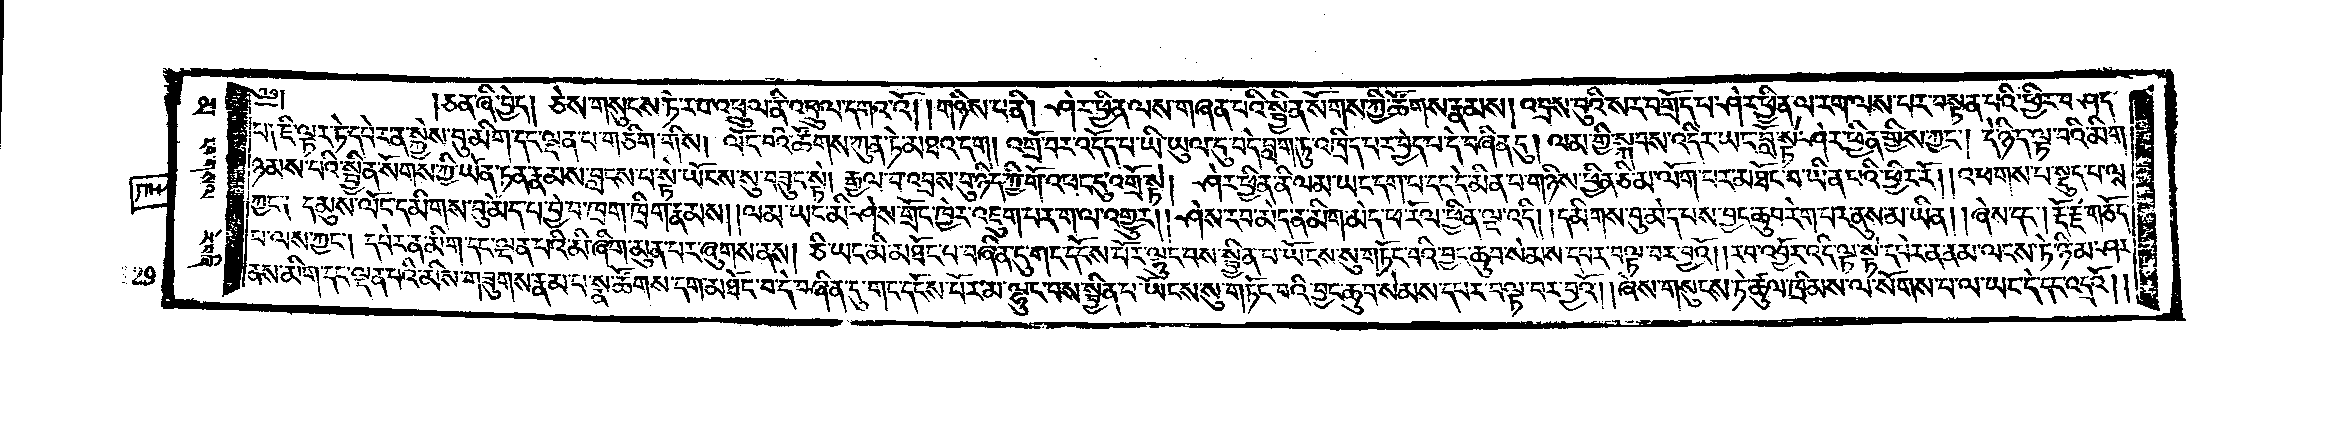༄༅། །ཅན་ཞི་བྱེད། ཅེས་གསུངས་ཏེ་རབ་འཕྲུལ་ནི་འཕྲུལ་དགའ་འོ། །གཉིས་པ་ནི། ཤེར་ཕྱིན་ལས་གཞན་པའི་སྦྱིན་སོགས་ཀྱི་ཚོགས་རྣམས། འབྲས་བུའི་སར་བགྲོད་པ་ཤེར་ཕྱིན་ལ་རག་ལས་པར་བསྟན་པའི་ཕྱིར་བཤད་
པ། ཇི་ལྟར་ཏེ་དཔེར་ན་སྐྱེས་བུ་མིག་དང་ལྡན་པ་གཅིག་གིས། ལོང་བའི་ཚོགས་ཀུན་ཏེ་མཐའ་དག །འགྲོ་བར་འདོད་པ་ཡི་ཡུལ་དུ་བདེ་བླག་ཏུ་འཁྲིད་པར་བྱེད་པ་དེ་བཞིན་དུ། ལམ་གྱི་སྐབས་འདིར་ཡང་བློ་སྟེ་ཤེར་ཕྱིན་གྱིས་ཀྱང་། དེ་ཉིད་ལྟ་བའི་མིག་
ཉམས་པའི་སྦྱིན་སོགས་ཀྱི་ཡོན་ཏན་རྣམས་བླངས་པ་སྟེ་ཡོངས་སུ་བཟུང་སྟེ། རྒྱལ་བ་འབྲས་བུ་ཉིད་ཀྱི་ལོང་འཕང་དུ་འགྲོ་སྟེ། ཤེར་ཕྱིན་ནི་ལམ་ཡང་དག་པ་དང་དེ་མིན་པ་གཉིས་ཕྱིན་ཅི་མ་ལོག་པར་མཐོང་བ་ཡིན་པའི་ཕྱིར་རོ། །འཕགས་པ་སྡུད་པ་ལས་
ཀྱང་། དམུས་ལོང་དམིགས་བུ་མེད་པ་བྱེ་བ་ཁྲག་ཁྲིག་རྣམས། །ལམ་ཡང་མི་ཤེས་གྲོང་ཁྱེར་འཇུག་པར་ག་ལ་འགྱུར། །ཤེས་རབ་མེད་ན་མིག་མེད་ཕ་རོལ་ཕྱིན་ལྔ་འདི། །དམིགས་བུ་མེད་པས་བྱང་ཆུབ་རིག་པར་ནུས་མ་ཡིན། །ཞེས་དང་། རྡོ་རྗེ་གཅོད་
པ་ལས་ཀྱང་། དཔེར་ན་མིག་དང་ལྡན་པའི་མི་ཞིག་མུན་པར་ཞུགས་ནས། ཅི་ཡང་མི་མཐོང་པ་བཞིན་དུ་གང་དངོས་པོར་ལྷུང་བས་སྦྱིན་པ་ཡོངས་སུ་གཏོང་བའི་བྱང་ཆུབ་སེམས་དཔར་བལྟ་བར་བྱའོ། །རབ་འབྱོར་འདི་ལྟ་སྟེ་དཔེར་ན་ནམ་ལངས་ཏེ་ཉི་མ་ཤར་
ནས་མིག་དང་ལྡན་པའི་མིས་གཟུགས་རྣམ་པ་སྣ་ཚོགས་དག་མཐོང་བ་དེ་བཞིན་དུ་གང་དངོས་པོར་མ་ལྷུང་བས་སྦྱིན་པ་ཡོངས་སུ་གཏོང་བའི་བྱང་ཆུབ་སེམས་དཔར་བལྟ་བར་བྱའོ། །ཞེས་གསུངས་ཏེ་ཚུལ་ཁྲིམས་ལ་སོགས་པ་ལ་ཡང་དེ་དང་འདྲའོ། །